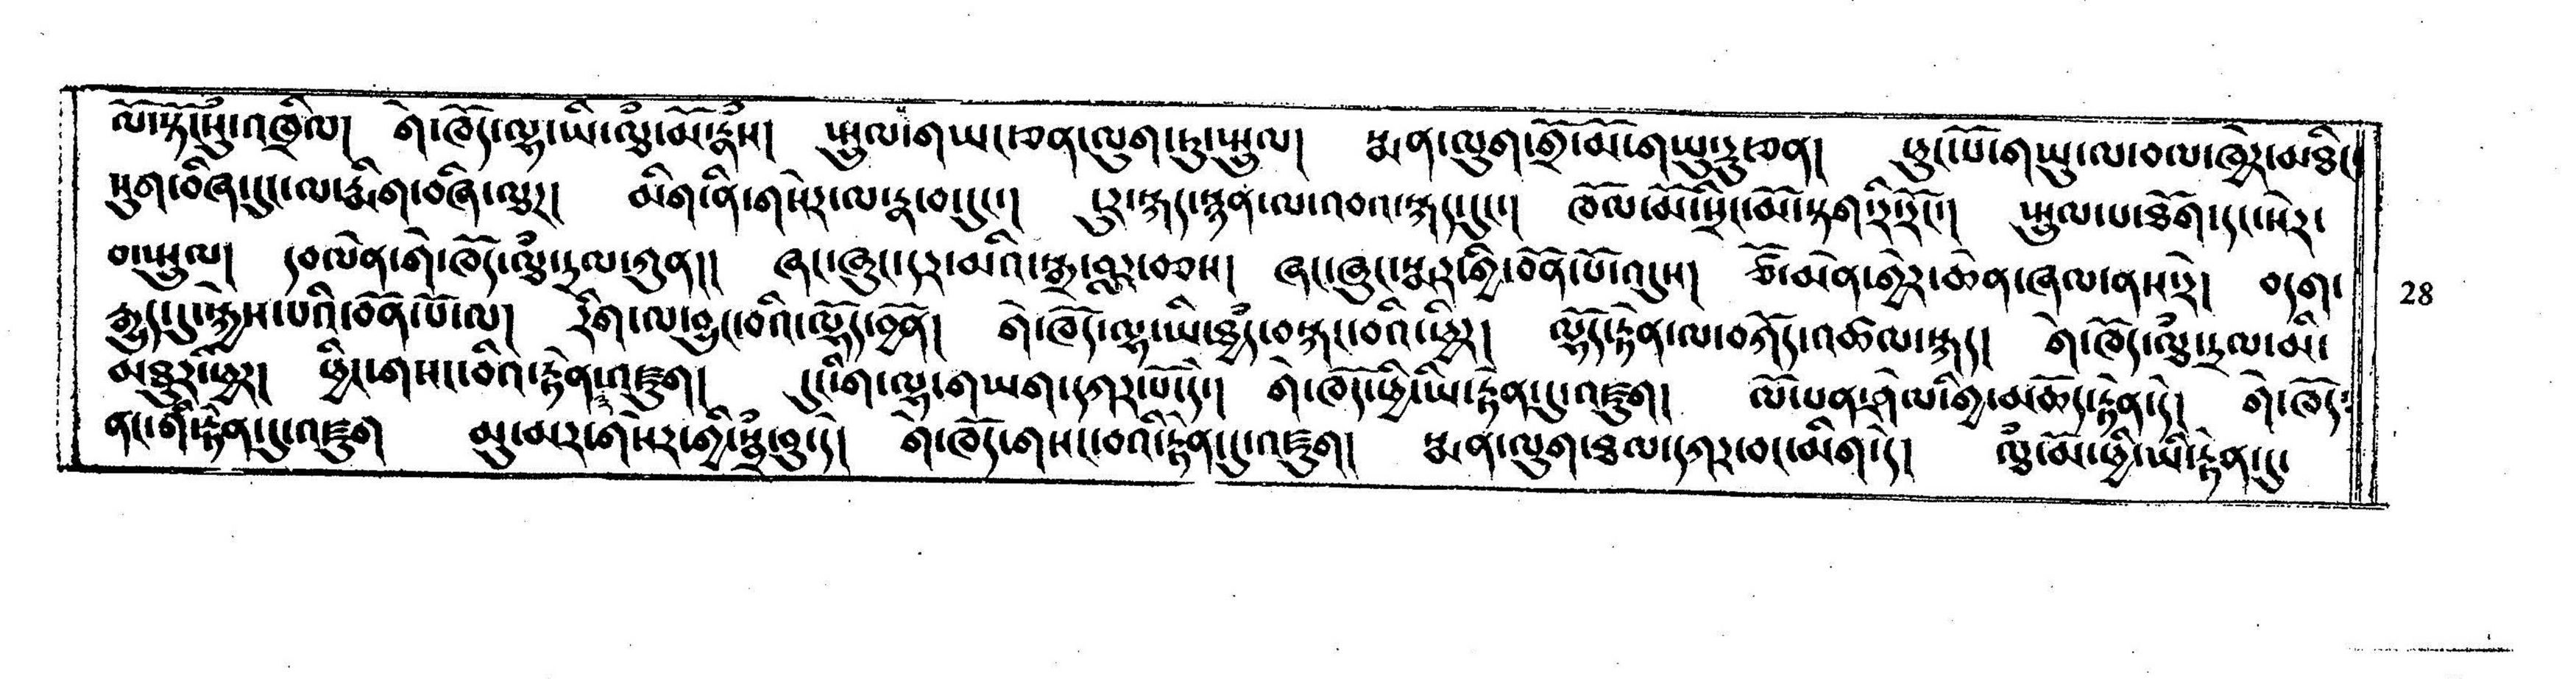ལོ་སྟོང་གསུམ་འཁྲིལ། གེ་ཁོད་ལྷ་ཡི་ལྕམ་མོ་རྣམས། སྤྲུལ་པ་གཡང་ཅན་ལུག་ཏུ་སྤྲུལ། སྨན་ལུག་གྲོ་མོ་གཡུ་རུ་ཅན། ཕུང་པོ་གཡུ་ལ་བལ་ཁྱེར་མཐིང་། 
སུག་བཞི་དུང་ལ་རྨིག་བཞི་ལྕགས། མིག་ནི་གསེར་ལ་རྣ་བ་དུང་། ངུར་སྐད་སྙན་ལ་འབའ་སྐད་དུང་། ཁོལ་མོ་སྲིང་མོ་སྟག་རི་རོང་། སྤྲུལ་པ་ཐོག་དང་སེར་
བ་སྤྲུལ། དབལ་ཆེན་གེ་ཁོད་ལྕམ་དྲལ་ཀུན།། ཞང་ཞུང་དར་མའི་སྒྲ་བླར་བཅས། ཞང་ཞུང་སྨར་གྱི་བོན་པོ་འདུས། ཙོ་མེན་གྱེར་ཆེན་ཞལ་ནས་རེ། བདག་
རྒྱུད་དུ་སྐྱེས་པའི་བོན་པོ་ལ། རིག་ལ་བྱུང་བའི་ལྷོ་རྒོད་བྱོན། གེ་ཁོད་ལྷ་ཡི་ཐུགས་དམ་བསྐང་བའི་ཕྱིར། ལྷོ་རྒོད་རྟེན་ལ་བཀོད་འཚལ་སྐད། གེ་ཁོད་ལྕམ་དྲལ་མི་
མཐུར་ཕྱིར། ཕྱི་ནང་གསང་བའི་རྟེན་གསུམ་འཛུག དུང་གི་ལྷ་གཡག་དཀར་པོ་དེ། གེ་ཁོད་ཕྱི་ཡི་རྟེན་དུ་འཛུག ལོ་པན་ཤེལ་གྱི་མཆོད་རྟེན་དེ། གེ་ཁོད་
ནང་གི་རྟེན་དུ་འཛུག མུ་མར་གསེར་གྱི་སྦྲམ་བུ་དེ། གེ་ཁོད་གསང་བའི་རྟེན་དུ་འཛུག སྨན་ལུག་ཐལ་དཀར་བང་མིག་དེ། ལྕམ་མོ་ཕྱི་ཡི་རྟེན་དུ་